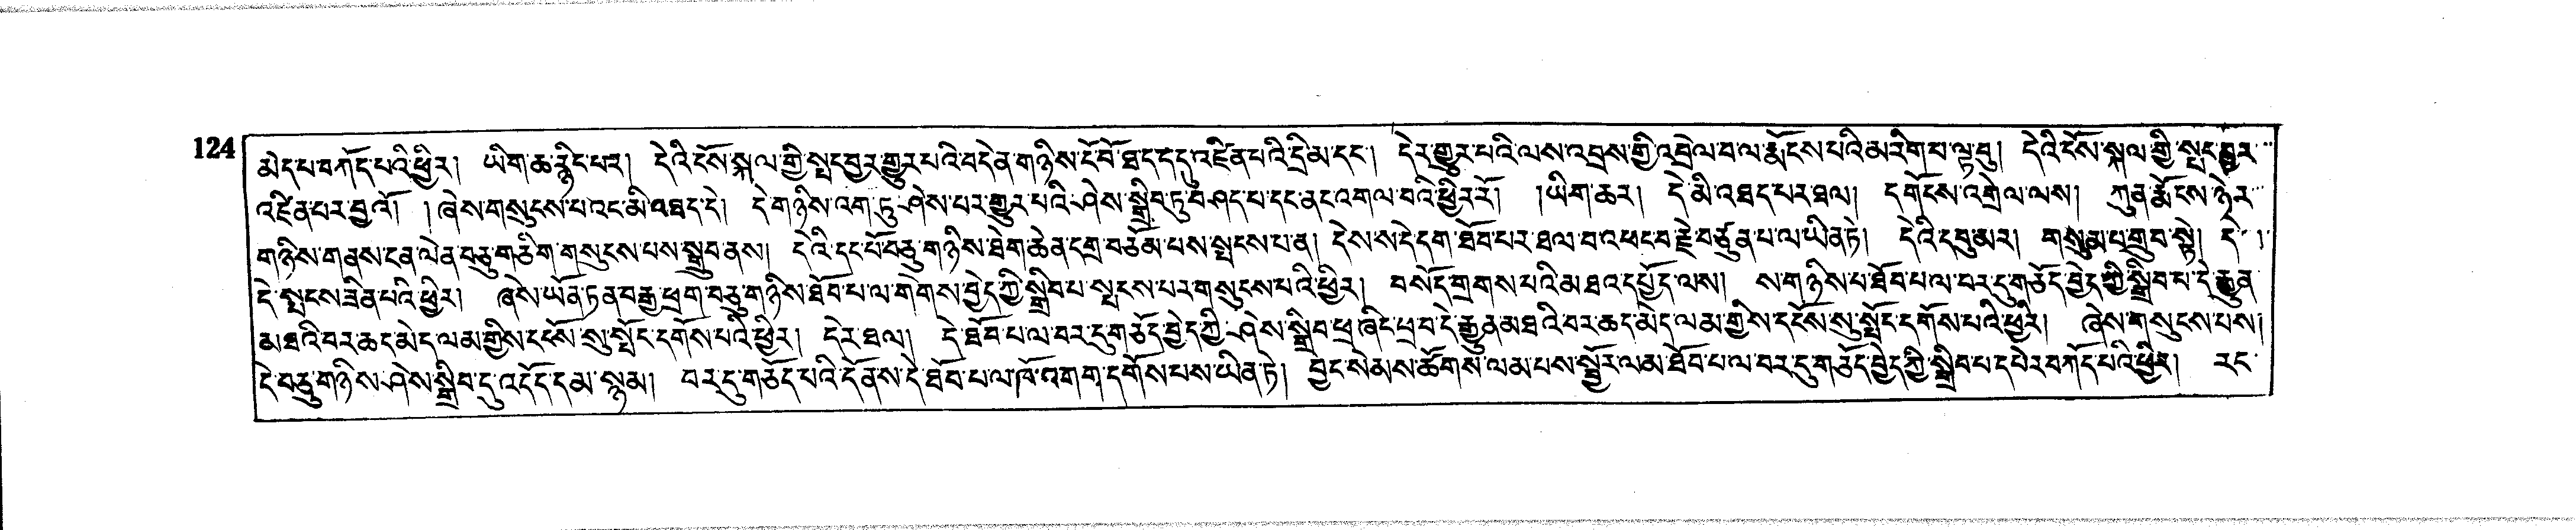མེད་པ་བཀོད་པའི་ཕྱིར། ཡིག་ཆ་རྙིང་པར། དེའི་ངོས་སྐལ་གྱི་སྤང་བྱར་གྱུར་པའི་བདེན་གཉིས་ངོ་བོ་ཐ་དད་དུ་འཛིན་པའི་དྲི་མ་དང་། དེར་གྱུར་པའི་ལས་འབྲས་གྱི་འབྲེལ་བ་ལ་རྨོངས་པའི་མ་རིག་པ་ལྟ་བུ། དེའི་ངོས་སྐལ་གྱི་སྤང་བྱར་
འཛིན་པར་བྱའོ། །ཞེས་གསུངས་པའང་མི་འཐད་དེ། དེ་གཉིས་འོག་ཏུ་ཤེས་པར་གྱུར་པའི་ཤེས་སྒྲིབ་ཏུ་བཤད་པ་དང་ནང་འགལ་བའི་ཕྱིར་རོ། །ཡིག་ཆར། དེ་མི་འཐད་པར་ཐལ། དགོངས་འགྲེལ་ལས། ཀུན་རྨོངས་ཉེར་
གཉིས་གནས་ངན་ལེན་བཅུ་གཅིག་གསུངས་པས་སྒྲུབ་ནས། དེའི་དང་པོ་བཅུ་གཉིས་ཐེག་ཆེན་དགྲ་བཅོམ་པས་སྤངས་པ་ན། དེས་ས་དེ་དག་ཐོབ་པར་ཐལ་བ་འཕང་བ་རྗེ་བཙུན་པ་ལ་ཡིན་ཏེ། དེའི་དབུ་མར། གསུམ་པ་གྲུབ་སྟེ། དེ་ལ་
དེ་སྤངས་ཟིན་པའི་ཕྱིར། ཞེས་ཡོན་ཏན་བརྒྱ་ཕྲག་བཅུ་གཉིས་ཐོབ་པ་ལ་གེགས་བྱེད་ཀྱི་སྒྲིབ་པ་སྤངས་པར་གསུངས་པའི་ཕྱིར། བསོད་གྲགས་པའི་མཐའ་དཔྱོད་ལས། ས་གཉིས་པ་ཐོབ་པ་ལ་བར་དུ་གཅོད་བྱེད་ཀྱི་སྒྲིབ་པ་དེ་རྒྱུན་
མཐའི་བར་ཆད་མེད་ལམ་གྱིས་དངོས་སུ་སྤོང་དགོས་པའི་ཕྱིར། དེར་ཐལ། དེ་ཐོབ་པ་ལ་བར་དུ་གཅོད་བྱེད་ཀྱི་ཤེས་སྒྲིབ་ཕྲ་ཞིང་ཕྲ་བ་དེ་རྒྱུན་མཐའི་བར་ཆད་མེད་ལམ་གྱིས་དངོས་སུ་སྤོང་དགོས་པའི་ཕྱིར། ཞེས་གསུངས་པས།
དེ་བཅུ་གཉིས་ཤེས་སྒྲིབ་དུ་འདོད་དམ་སྙམ། བར་དུ་གཅོད་པའི་དོན་ས་དེ་ཐོབ་པ་ལ་ཁོ་འགག་དགོས་པས་ཡིན་ཏེ། བྱང་སེམས་ཚོགས་ལམ་པས་སྦྱོར་ལམ་ཐོབ་པ་ལ་བར་དུ་གཅོད་བྱེད་ཀྱི་སྒྲིབ་པ་དཔེར་དཀོད་པའི་ཕྱིར། རང་